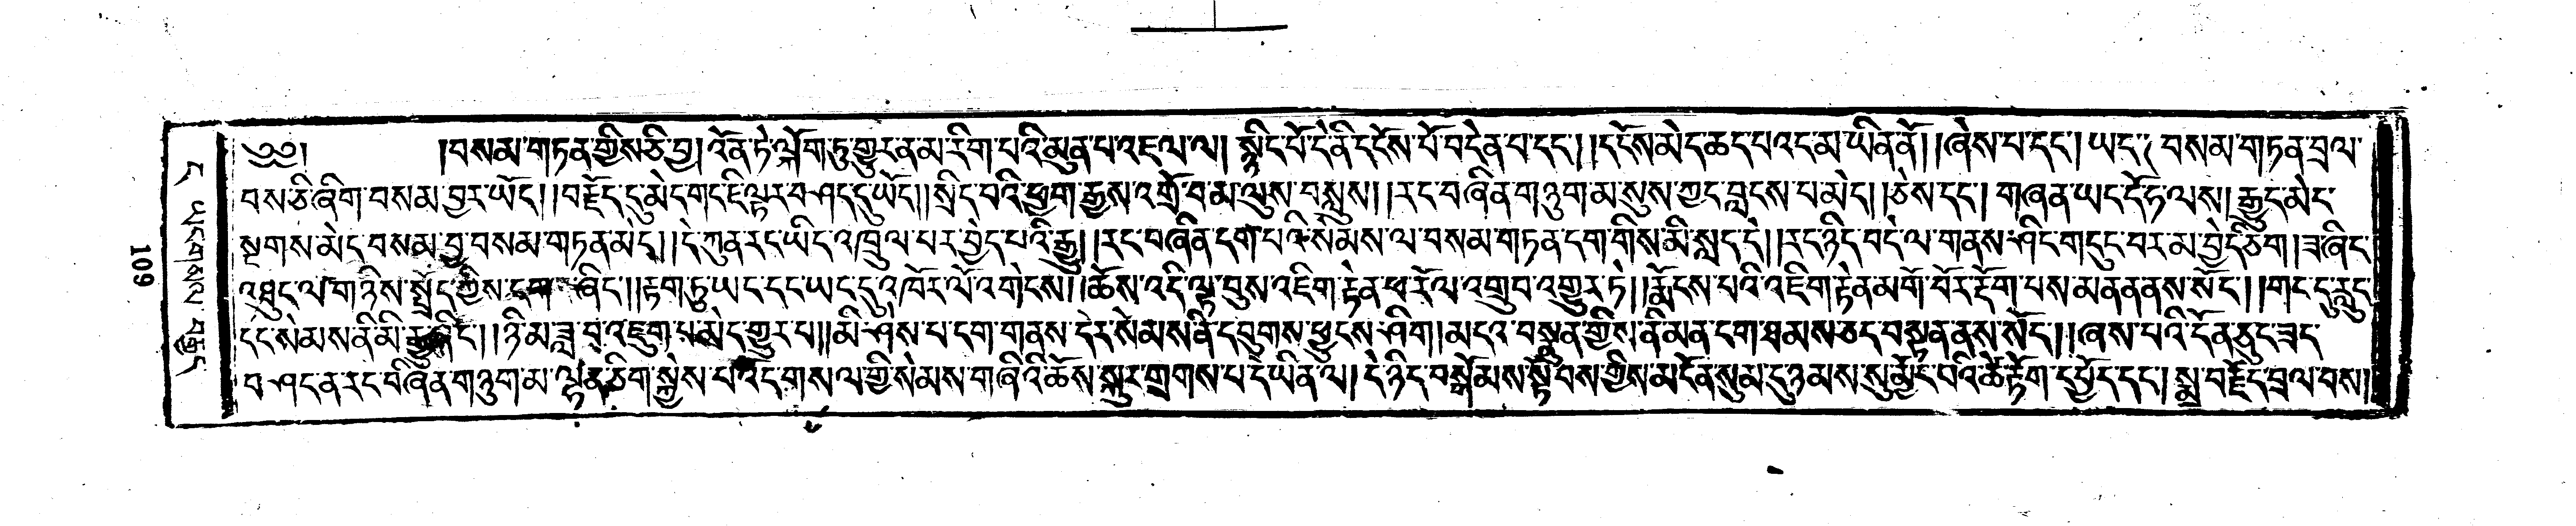༄༅། །བསམ་གཏན་གྱིས་ཅི་བྱ། འོན་ཏེ་ལྐོག་ཏུ་གྱུར་ན་མ་རིག་པའི་མུན་པ་འཇལ་ལ། སྙིང་པོ་དེ་ནི་དངོས་པོ་བདེན་པ་དང་། །དངོས་མེད་ཆད་པའང་མ་ཡིན་ནོ། །ཞེས་པ་དང་། ཡང་། བསམ་གཏན་བྲལ་
བས་ཅི་ཞིག་བསམ་བྱར་ཡོད། །བརྗོད་དུ་མེད་གང་ཇི་ལྟར་བཤད་དུ་ཡོད། །སྲིད་པའི་ཕྱག་རྒྱས་འགྲོ་བ་མ་ལུས་བསླུས། །རང་བཞིན་གཉུག་མ་སུས་ཀྱང་བླངས་པ་མེད། །ཅེས་དང་། གཞན་ཡང་དོ་ཧ་ལས། རྒྱུད་མེད་
སྔགས་མེད་བསམ་བྱ་བསམ་གཏན་མེད། །དེ་ཀུན་རང་ཡིད་འཁྲུལ་པར་བྱེད་པའི་རྒྱུ། །རང་བཞིན་དག་པའི་སེམས་ལ་བསམ་གཏན་དག་གིས་མི་སླད་དེ། །རང་ཉིད་བདེ་ལ་གནས་ཤིང་གདུང་བར་མ་བྱེད་ཅིག །ཟ་ཞིང་
འཐུང་ལ་གཉིས་སྤྲོད་ཀྱིས་དགའ་ཞིང་། །རྟག་ཏུ་ཡང་དང་ཡང་དུ་འཁོར་ལོ་འགེངས། །ཆོས་འདི་ལྟ་བུས་འཇིག་རྟེན་ཕ་རོལ་འགྲུབ་འགྱུར་ཏེ། །རྨོངས་པའི་འཇིག་རྟེན་མགོ་བོར་རྡོག་པས་མནན་ནས་སོང་། །གང་དུ་རླུང་
དང་སེམས་ནི་མི་རྒྱུ་ཞིང་། །ཉི་མ་ཟླ་བ་འཇུག་པ་མེད་གྱུར་པ། །མི་ཤེས་པ་དག་གནས་དེར་སེམས་ནི་དབུགས་ཕྱུངས་ཤིག །མདའ་བསྣུན་གྱིས་ནི་མན་ངག་ཐམས་ཅད་བསྟན་ནས་སོང་། །ཞེས་པའི་དོན་ཅུང་ཟད་
བཤད་ན་རང་བཞིན་གཉུག་མ་ལྷན་ཅིག་སྐྱེས་པ་འོད་གསལ་གྱི་སེམས་གཞིའི་ཆོས་སྐུར་གྲགས་པ་དེ་ཡིན་ལ། དེ་ཉིད་བསྒོམས་སྟོབས་ཀྱིས་མངོན་སུམ་དུ་ཉམས་སུ་མྱོང་བའི་ཚེ་རྟོག་དཔྱོད་དང་། སྨྲ་བརྗོད་བྲལ་བས་